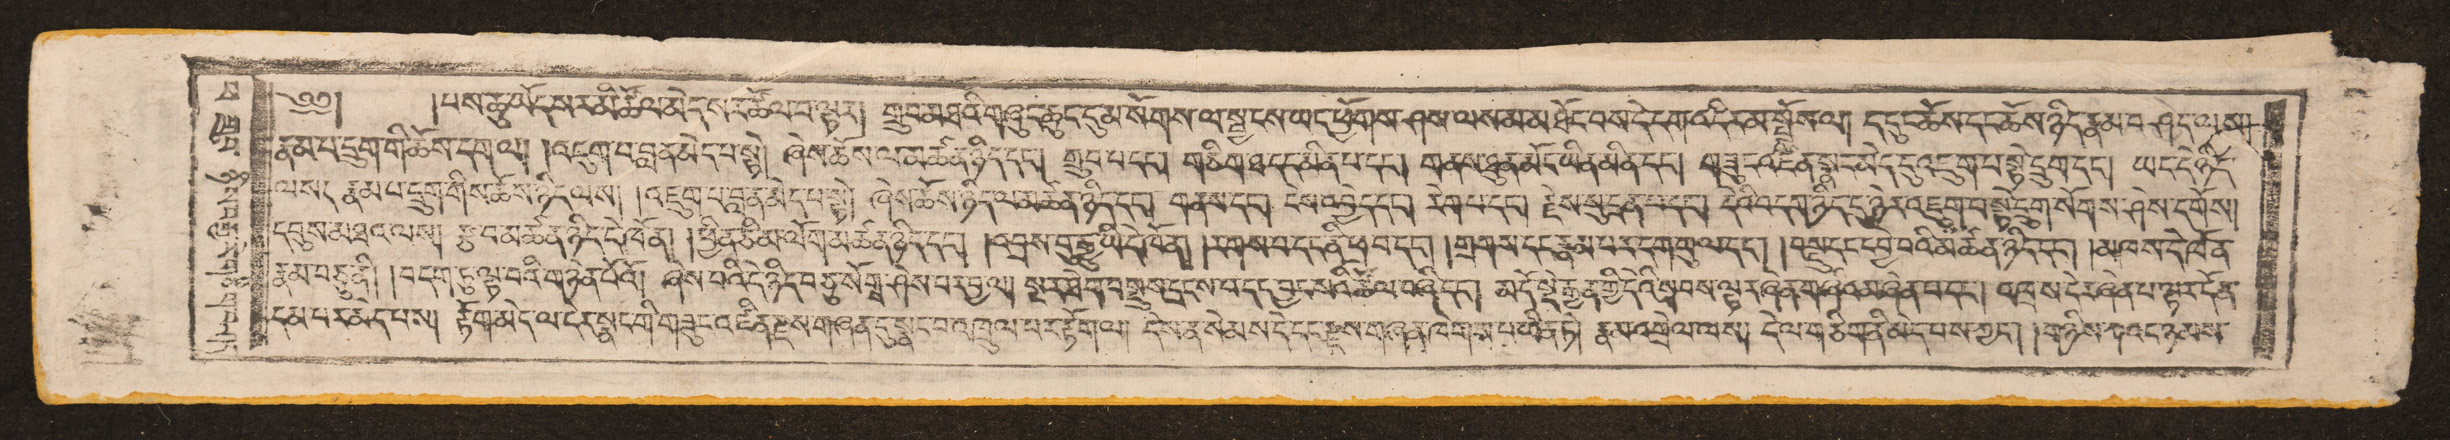༄༅། །པས་ཆུ་ཡོད་སར་མི་ཚོལ་མེད་སར་ཚོལ་བ་ལྟར། གྲུབ་མཐའི་གཞུང་ཆུད་དུ་མ་སོགས་ལ་སྦྱངས་ཡང་ཕྱོགས་ཤས་ལས་མ་མཐོང་བས་དེ་དག་འདིར་མ་སྤྲོས་ལ། ད་དུང་ཆོས་དང་ཆོས་ཉིད་རྣམ་བཤད་ལས།
རྣམ་པ་དྲུག་གི་ཆོས་དག་ལ། །འཇུག་པ་བླ་ན་མེད་པ་སྟེ། ཞེས་ཆོས་ལ་མཚན་ཉིད་དང་། གྲུབ་པ་དང་། གཅིག་ཐ་དད་མིན་པ་དང་། གནས་ཐུན་མོང་ཡིན་མིན་དང་། གཟུང་འཛིན་སྣང་མེད་དུ་འཇུག་པ་སྟེ་དྲུག་དང་། ཡང་དེ་ཉིད་
ལས༑ རྣམ་པ་དྲུག་གིས་ཆོས་ཉིད་ལས། །འཇུག་པ་བླ་ན་མེད་པ་སྟེ། ཞེས་ཆོས་ཉིད་ལ་མཚན་ཉིད་དང་། གནས་དང་། ངེས་འབྱེད་དང་། རེག་པ་དང་། རྗེས་སུ་དྲན་པ་དང་། དེའི་བདག་ཉིད་དུ་ཉེར་འཇུག་བ་སྟེ་དྲུག་སོགས་ཤེས་དགོས།
དབུས་མཐའ་ལས། རྩ་བ་མཚན་ཉིད་དེ་ཁོ་ན། །ཕྱིན་ཅི་མ་ལོག་མཚན་ཉིད་དང་། །འབྲས་བུ་རྒྱུ་ཡི་དེ་ཁོ་ན། །རགས་པ་དང་ནི་ཕྲ་བ་དང་། །གྲགས་དང་རྣམ་པར་དག་ཡུལ་དང་། །བསྡུ་དང་དབྱེ་བའི་མཚན་ཉིད་དང་། །མཁས་དེ་ཁོ་ན་
རྣམ་བཅུ་ནི། །བདག་ཏུ་ལྟ་བའི་གཉེན་པོའོ། ཞེས་པའི་དེ་ཉིད་བཅུ་སོགས་ཤེས་པར་བྱ་ལ། སྔར་ཐེག་བསྡུས་དྲངས་པ་དང་བྱང་སའི་ཚོལ་བཞི་དང་། མདོ་སྡེ་རྒྱན་གྱི་དེའི་སྐབས་ལྟར་ཞེན་གཞིའམ་ཞེན་པ་དང་། འཁྲས་དེར་ཞེན་པ་ལྟར་དོན་
དམ་པར་མེད་པས། རྟོག་མེད་ལ་དེར་སྣང་གི་གཟུང་འཛིན་རྫས་གཞན་དུ་སྣང་བ་འཁྲུལ་པར་རྟོག་ལ། དེས་ན་སེམས་དེ་དང་རྫས་གཞན་ཁེགས་པ་ཡིན་ཏེ། རྣམ་འགྲེལ་ལས། དེ་ལ་གཅིག་ནི་མེད་བས་ཀྱང་། །གཉིས་ཀའང་ཉམས་